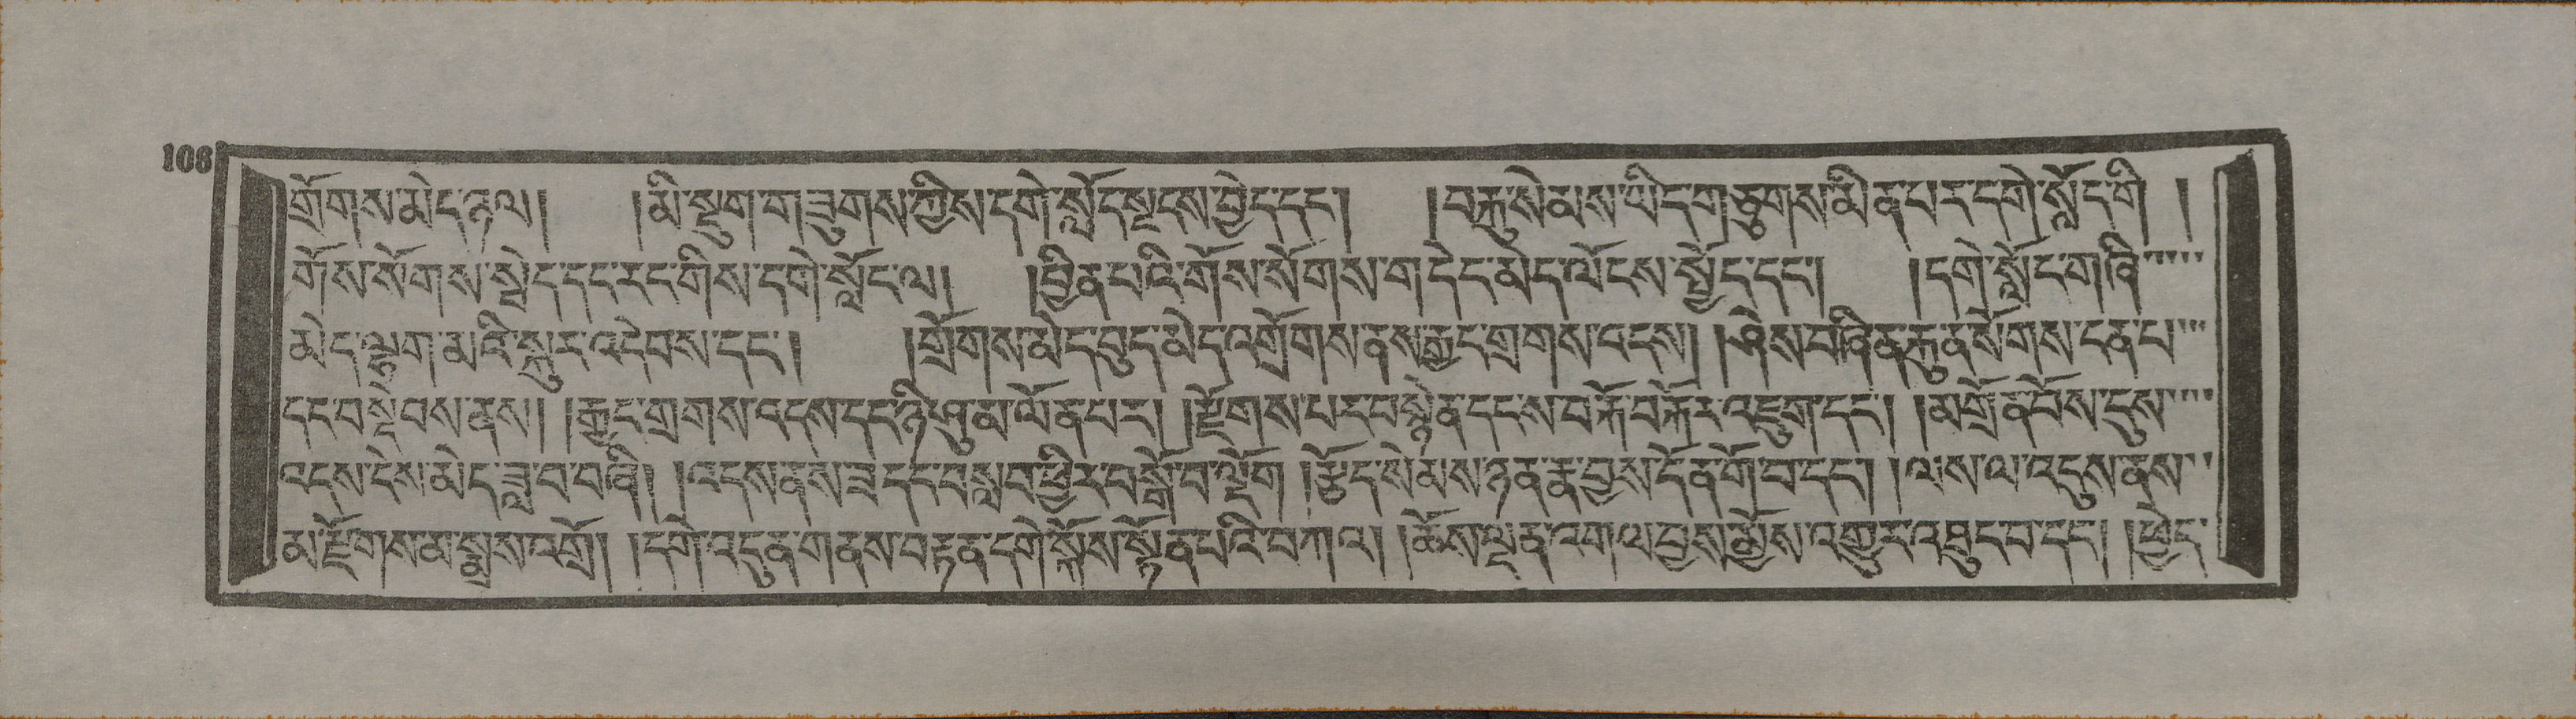གྲོགས་མེད་ཉལ། །མི་སྡུག་གཟུགས་ཀྱིས་དགེ་སློང་སྡངས་བྱེད་དང་། །བརྐུ་སེམས་ཡིད་གཅུགས་མིན་པར་དགེ་སློང་གི །
གོས་སོགས་སྤེད་དང་རང་གིས་དགེ་སློང་ལ། །བྱིན་པའི་གོས་སོགས་གདེང་མེད་ལོངས་སྤྱོད་དང་། །དགེ་སློང་གཞི་
མེད་ལྷག་མའི་སྐུར་འདེབས་དང་། །གྲོགས་མེད་བུད་མེད་འགྲོགས་ནས་རྒྱང་གྲགས་འདས། །ཤེས་བཞིན་རྐུན་སོགས་ངན་པ་
དང་བསྡེབས་ནས། །རྒྱང་གྲགས་འདས་དང་ཉི་ཤུ་མ་ལོན་པར། །རྫོགས་པར་བསྙེན་དང་ས་བརྐོ་བརྐོར་འཇུག་དང་། །མགྲོན་བོས་དུས་
འདས་ངེས་མེད་ཟླ་བ་བཞི། །འདས་ནས་ཟ་དང་བསླབ་ཕྱིར་བསྒོ་བ་ལྡོག །རྩོད་སེམས་ཉན་རྣ་བྱས་དོན་གོ་བ་དང་། །ལས་ལ་འདུས་ནས་
མ་རྫོགས་མ་སྨྲས་འགྲོ། །དགེ་འདུན་གནས་བརྟན་དགེ་སྐོས་སྟོན་པའི་བཀའ། །ཆོས་ལྡན་འགལ་བྱས་མྱོས་འགྱུར་འཐུང་བ་དང་། །ཕྱེད་